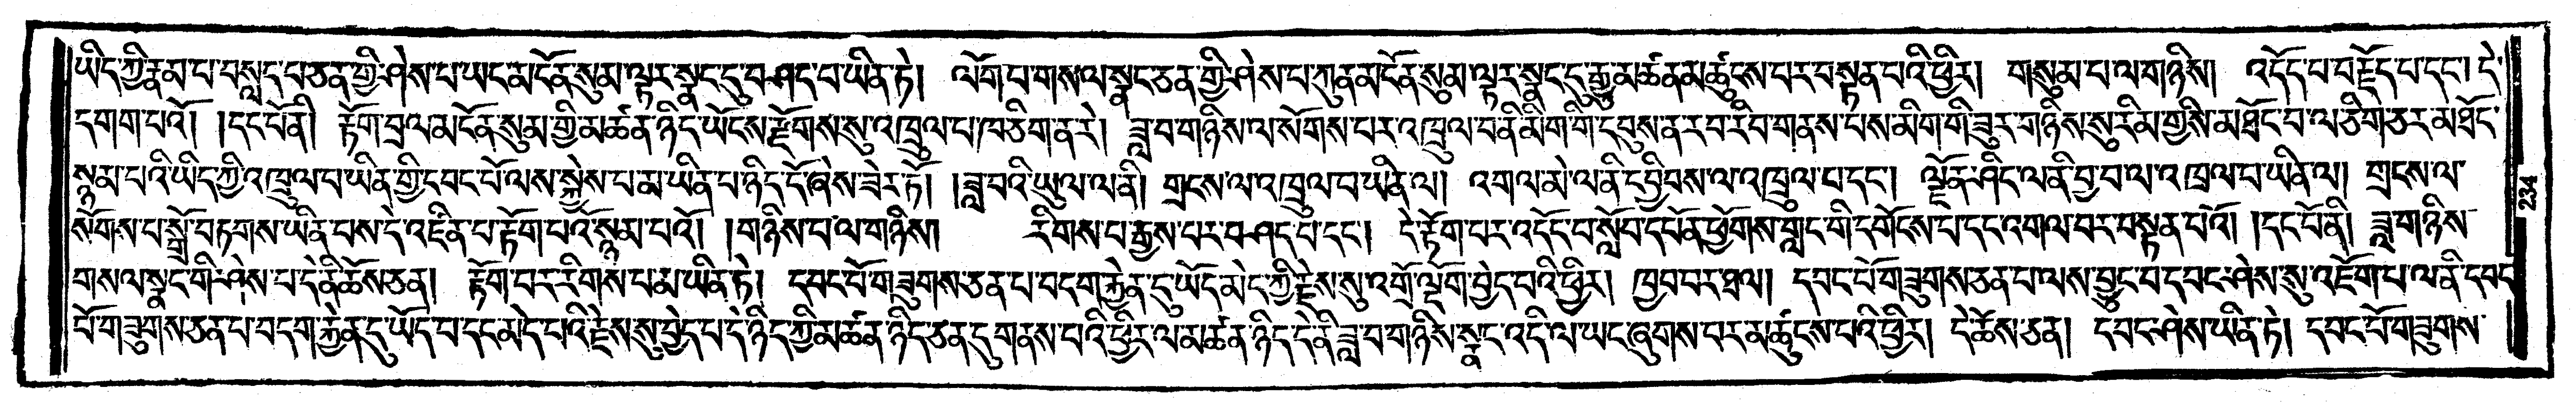ཡིད་ཀྱི་རྣམ་པ་བསླད་པ་ཅན་གྱི་ཤེས་པ་ཡང་མངོན་སུམ་ལྟར་སྣང་དུ་བཤད་པ་ཡིན་ཏེ། ལོག་པ་གསལ་སྣང་ཅན་གྱི་ཤེས་པ་ཀུན་མངོན་སུམ་ལྟར་སྣང་དུ་རྒྱུ་མཚན་མཚུངས་པར་བསྟན་པའི་ཕྱིར། གསུམ་པ་ལ་གཉིས། འདོད་པ་བརྗོད་པ་དང་། དེ་
དགག་པའོ། །དང་པོ་ནི། རྟོག་བྲལ་མངོན་སུམ་གྱི་མཚན་ཉིད་ཡོངས་རྫོགས་སུ་འཁྲུལ་པ་ཁ་ཅིག་ན་རེ། ཟླ་བ་གཉིས་ལ་སོགས་པར་འཁྲུལ་བ་ནི་མིག་གི་དབུས་ན་རབ་རིབ་གནས་པས་མིག་གི་ཟུར་གཉིས་སུ་རིམ་གྱིས་མཐོང་བ་ལ་ཅིག་ཅར་མཐོང་
སྙམ་པའི་ཡིད་ཀྱི་འཁྲུལ་པ་ཡིན་གྱི་དབང་པོ་ལས་སྐྱེས་པ་མ་ཡིན་པ་ཉིད་དོ་ཞེས་ཟེར་ཏོ། །ཟླ་བའི་ཡུལ་ལ་ནི། གྲངས་ལ་འཁྲུལ་པ་ཡིན་ལ། འགལ་མེ་ལ་ནི་དབྱིབས་ལ་འཁྲུལ་པ་དང་། ལྗོན་ཤིང་ལ་ནི་བྱ་བ་ལ་འཁྲལ་པ་ཡིན་ལ། གྲངས་ལ་
སོགས་པ་སྒྲོ་བཏགས་ཡིན་པས་དེ་འཛིན་པ་རྟོག་པའོ་སྙམ་པའོ། །གཉིས་པ་ལ་གཉིས། རིགས་པ་རྒྱས་པར་བཤད་པ་དང་། དེ་རྟོག་པར་འདོད་པ་སློབ་དཔོན་ཕྱོགས་གླང་གི་དགོངས་པ་དང་འགལ་བར་བསྟན་པའོ། །དང་པོ་ནི། ཟླ་གཉིས་
གསལ་སྣང་གི་ཤེས་པ་དེ་ནི་ཆོས་ཅན། རྟོག་པར་རིགས་པ་མ་ཡིན་ཏེ། དབང་པོ་གཟུགས་ཅན་པ་བདག་རྐྱེན་དུ་ཡོད་མེད་ཀྱི་རྗེས་སུ་འགྲོ་ལྡོག་བྱེད་པའི་ཕྱིར། ཁྱབ་པར་ཐལ། དབང་པོ་གཟུགས་ཅན་པ་ལས་བྱུང་བ་དབང་ཤེས་སུ་འཇོག་པ་ལ་ནི་དབང་
པོ་གཟུགས་ཅན་པ་བདག་རྐྱེན་དུ་ཡོད་པ་དང་མེད་པའི་རྗེས་སུ་བྱེད་པ་དེ་ཉིད་ཀྱི་མཚན་ཉིད་ཅན་དུ་གནས་པའི་ཕྱིར་ལ་མཚན་ཉིད་དེ་ནི་ཟླ་བ་གཉིས་སྣང་འདི་ལ་ཡང་ཞུགས་པར་མཚུངས་པའི་ཕྱིར། དེ་ཆོས་ཅན། དབང་ཤེས་ཡིན་ཏེ། དབང་པོ་གཟུགས་